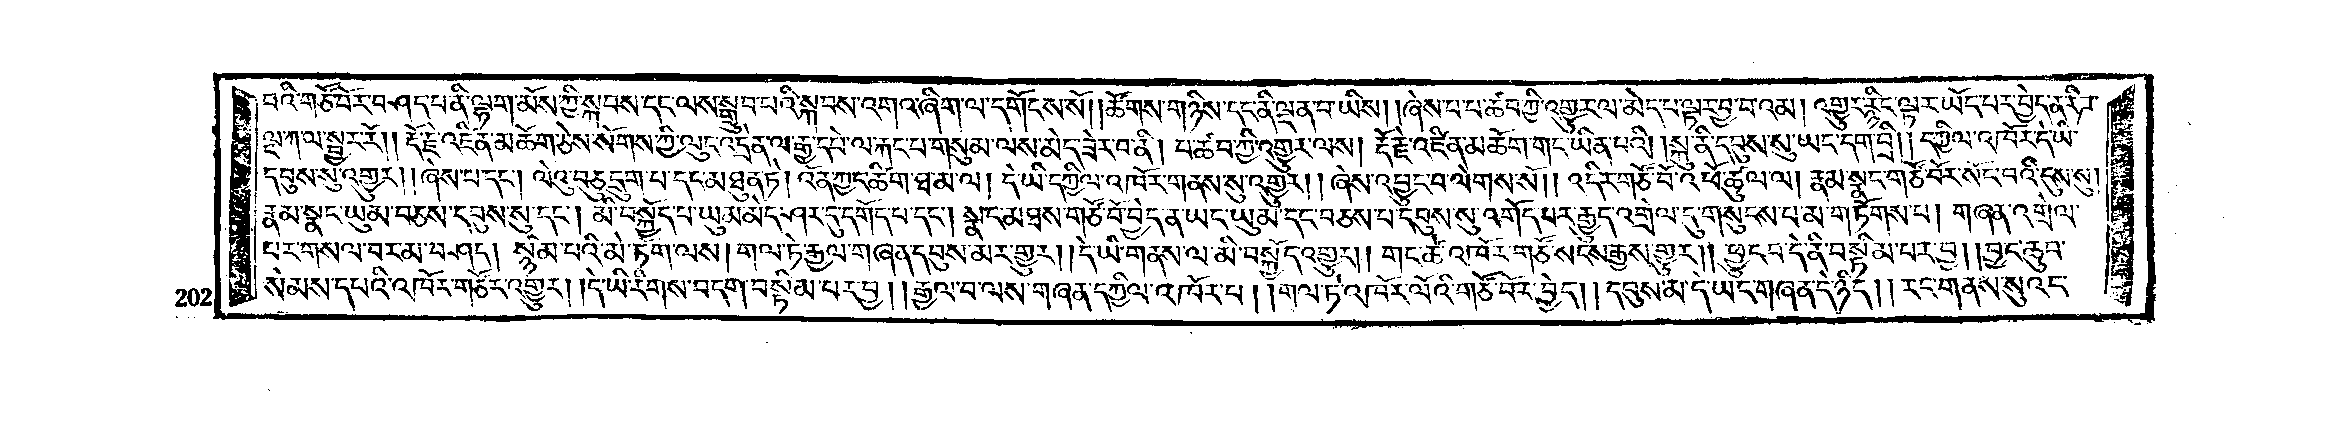བའི་གཙོ་བོར་བཤད་པ་ནི་ལྷག་མོས་ཀྱི་སྐབས་དང་ལས་སྒྲུབ་པའི་སྐབས་འགའ་ཞིག་ལ་དགོངས་སོ། །ཚོགས་གཉིས་དང་ནི་ལྡན་པ་ཡིས། །ཞེས་པ་པ་ཚབ་ཀྱི་འགྱུར་ལ་མེད་པ་ལྟར་བྱ་བ་འམ། འགྱུར་རྙིང་ལྟར་ཡོད་པར་བྱེད་ན་རིགས་
ལྔ་ཀ་ལ་སྦྱར་རོ། །རྡོ་རྗེ་འཛིན་མཆོག་ཅེས་སོགས་ཀྱི་ལུང་འདྲེན་ལ་རྒྱ་དཔེ་ལ་རྐང་པ་གསུམ་ལས་མེད་ཟེར་བ་ནི། པ་ཚབ་ཀྱི་འགྱུར་ལས། རྡོ་རྗེ་འཛིན་མཆོག་གང་ཡིན་པའི། །སྐུ་ནི་དབུས་སུ་ཡང་དག་བྲི། །དཀྱིལ་འཁོར་དེ་ཡི་
དབུས་སུ་འགྱུར། །ཞེས་པ་དང་། ལེའུ་བཅུ་དྲུག་པ་དང་མཐུན་ཏེ། འོན་ཀྱང་ཚིག་ཐ་མ་ལ། དེ་ཡི་དཀྱིལ་འཁོར་གནས་སུ་འགྱུར། །ཞེས་འབྱུང་བ་ལེགས་སོ། །འདིར་གཙོ་བོ་འཕོ་ཚུལ་ལ། རྣམ་སྣང་གཙོ་བོར་སོང་བའི་དུས་སུ།
རྣམ་སྣང་ཡུམ་བཅས་དབུས་སུ་དང་། མི་བསྐྱོད་པ་ཡུམ་མེད་ཤར་དུ་དགོད་པ་དང་། སྣང་མཐས་གཙོ་བོ་བྱེད་ན་ཡང་ཡུམ་དང་བཅས་པ་དབུས་སུ་འགོད་པར་རྒྱུད་འགྲེལ་དུ་གསུངས་པ་མ་གཏོགས་པ། གཞན་འགྲེལ་
པར་གསལ་བར་མ་བཤད། སྙིམ་པའི་མེ་ཏོག་ལས། གལ་ཏེ་རྒྱལ་གཞན་དབུས་མར་གྱུར། །དེ་ཡི་གནས་ལ་མི་བསྐྱོད་འགྱུར། །གང་ཚེ་འཁོར་གཙོ་སངས་རྒྱས་གྱུར། །ཕྱུང་བ་དེ་ནི་བསྟིམ་པར་བྱ། །བྱང་ཆུབ་
སེམས་དཔའི་འཁོར་གཙོར་འགྱུར། །དེ་ཡི་རིགས་བདག་བསྟིམ་པར་བྱ། །རྒྱལ་བ་ལས་གཞན་དཀྱིལ་འཁོར་པ། །གལ་ཏེ་འཁོར་ལོའི་གཙོ་བོར་བྱེད། །དབུས་མ་དེ་ཡང་གཞན་དེ་ཉིད། །རང་གནས་སུའང་